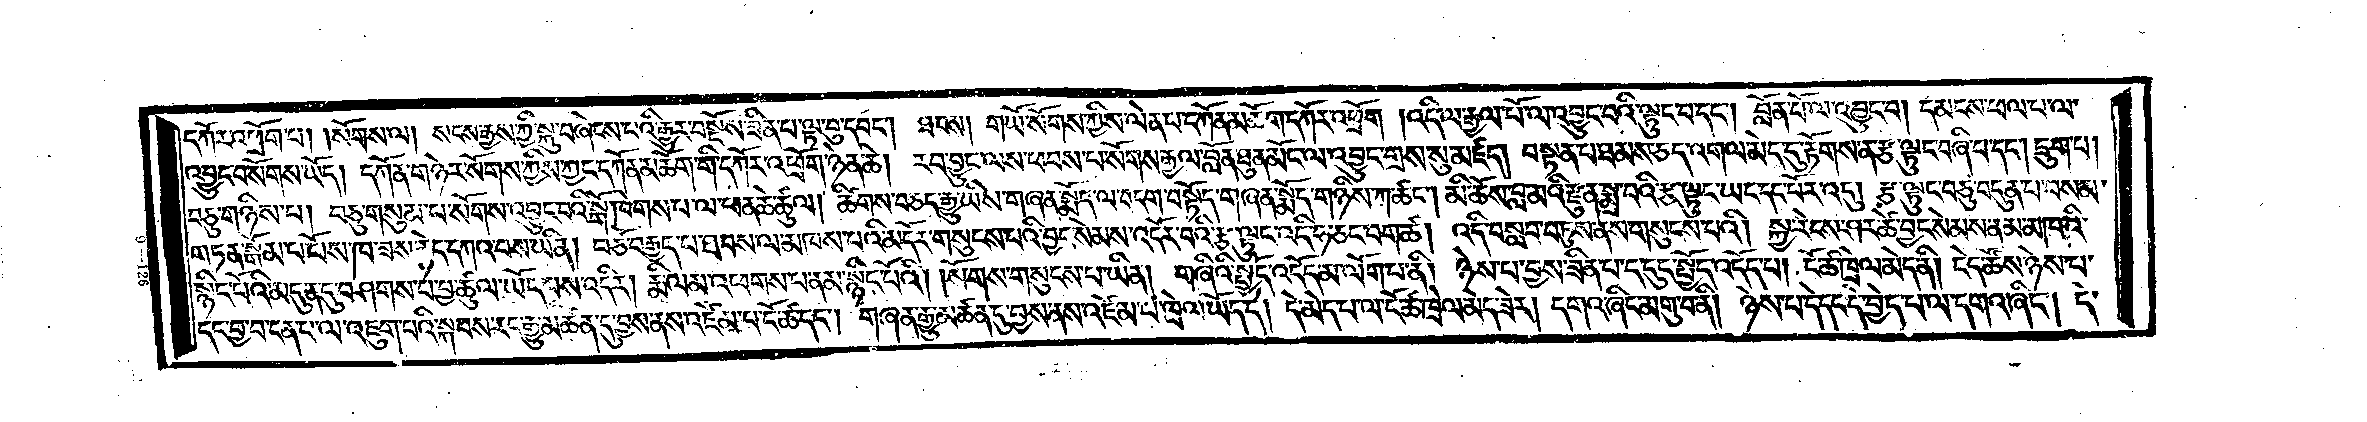དཀོར་འཕྲོག་པ། །སོགས་ལ། སངས་རྒྱས་ཀྱི་སྐུ་བཞེངས་པའི་རྒྱུར་བསྔོས་ཟིན་པ་ལྟ་བུ་དབང་། ཐབས། གཡོ་སོགས་ཀྱིས་ལེན་པ་དཀོན་མཆོག་དཀོར་འཕྲོག །འདི་ལ་རྒྱལ་པོ་ལ་འབྱུང་བའི་ལྟུང་བ་དང་། བློན་པོ་ལ་འབྱུང་བ། དམངས་ཕལ་པ་ལ་
འབྱུང་བ་སོགས་ཡོད། དཀོན་གཉེར་སོགས་ཀྱིས་ཀྱང་དཀོན་མཆོག་གི་དཀོར་འཕྲོག་ཉེན་ཆེ། རབ་བྱུང་ལས་ཕབས་པ་སོགས་རྒྱལ་བློན་ཐུན་མོང་ལ་འབྱུང་གྲས་སུ་མཛད། བསྟན་པ་ཐམས་ཅད་འགལ་མེད་དུ་རྟོགས་ན་རྩ་ལྟུང་བཞི་པ་དང་། དྲུག་པ།
བཅུ་གཉིས་པ། བཅུ་གསུམ་པ་སོགས་འབྱུང་བའི་སྒོ་ཁེགས་པ་ལ་ཕན་ཆེ་ཚུལ། ཚིགས་བཅད་རྒྱུ་ཡིས་གཞན་སྨྲོད་ལ་བདག་བསྟོད་གཞན་སྨོད་གཉིས་ཀ་ཚང་། མི་ཆོས་བླ་མའི་རྫུན་སྨྲ་བའི་རྩ་ལྟུང་ཡང་དང་པོར་འདུ། རྩ་ལྟུང་བཅུ་བདུན་པ་བསམ་
གཏན་སྒོམ་པ་པོས་ཁ་ཟས་རྙེད་དཀའ་བས་ཡིན། བཅོ་བརྒྱད་པ་ཐབས་ལ་མཁས་པའི་མདོར་གསུངས་པའི་བྱང་སེམས་འདོར་བའི་རྩ་ལྟུང་འདི་ཧ་ཅང་བག་ཚ། འདི་བསླབ་བཏུས་ནས་གསུངས་པའི། སྐྱ་རེངས་ཤར་ཚེ་བྱང་སེམས་ནམ་མཁའི་
སྙིང་པོའི་མདུན་དུ་བཤགས་པ་བྱ་ཚུལ་ཡོད་པས་འདིར། རྨི་ལམ་འཕགས་པ་ནམ་སྙིང་པོའི། །སོགས་གསུངས་པ་ཡིན། གཞིའི་སྤྱོད་འདོད་མ་ལོག་པ་ནི། ཉེས་པ་བྱས་ཟིན་པ་ད་དུང་སྤྱོད་འདོད་པ། དོ་ཚ་ཁྲེལ་མེད་ནི། ངེད་ཚོས་ཉེས་པ་
དང་བྱ་བ་ངན་པ་ལ་འཇུག་པའི་སྐབས་རང་རྒྱུ་མཚན་དུ་བྱས་ནས་འཛེམ་པ་ངོ་ཚ་དང་། གཞན་རྒྱུ་མཚན་དུ་བྱས་ནས་འཛེམ་པ་ཁྲེལ་ཡོད་དེ། དེ་མེད་པ་ལ་ངོ་ཚ་ཁྲེལ་མེད་ཟེར། དགའ་ཞིང་མགུ་བ་ནི། ཉོས་པ་དེ་དང་དེ་བྱེད་པ་ལ་དགའ་ཞིང་། དེ་